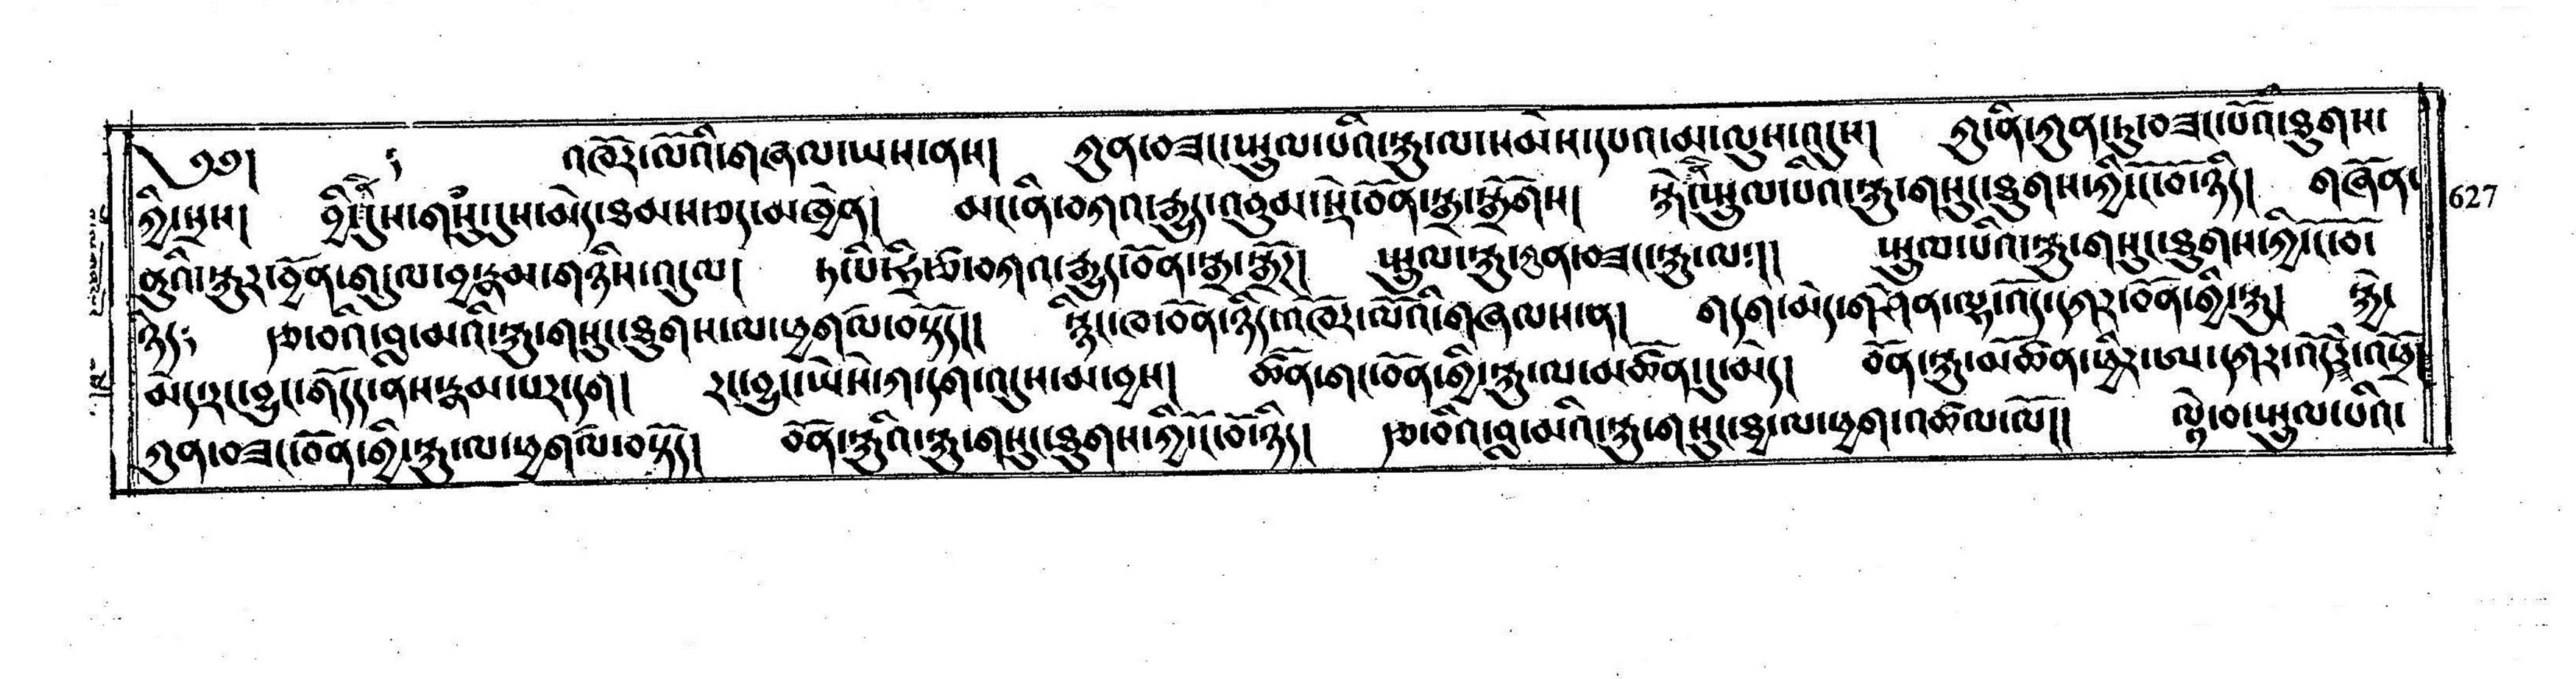འཁོར་ལོའི་གཞལ་ཡས་ནས། ཀུན་བཟང་སྤྲུལ་པའི་སྐུ་ལ་སེམས་དཔའ་མ་ལུས་འདུས། ཀུ་ནི་ཀུན་ཏུ་བཟང་པོའི་ཐུགས་
ཀྱི་སྲས། བྱི་ནི་དུས་གསུམ་དུས་མེད་ཐམས་ཅད་མཁྱེན། མང་ནི་བཀའ་རྒྱུད་འབུམ་སྡེ་བོན་སྒྲ་སྒྲོགས། སྐེ་ནི་སྤྲུལ་པའི་སྐུ་གསུང་ཐུགས་ཀྱི་ངོ་བོ་ཉིད། གཞོན་
ནུའི་སྐུར་བྱོན་གདུལ་བྱ་རྣམ་གཉིས་འདུལ། ཏ་པི་ཧྲི་ཙ་བཀའ་རྒྱུད་བོན་སྒྲ་སྒྲོགས། སྤྲུལ་སྐུ་ཀུན་བཟང་སྐུ་ལ༴།། སྤྲུལ་པའི་སྐུ་གསུང་ཐུགས་ཀྱི་ངོ་བོ་
ཉིད། རྩ་བའི་བླ་མའི་སྐུ་གསུང་ཐུགས་ལ་ཕྱག་འཚལ་བསྟོད།། སྙིང་ཁ་བོན་ཉིད་འཁོར་ལོའི་གཞལ་ཡས་ན། གདག་མེད་གཤེན་ལྷ་འོད་དཀར་བོན་གྱི་སྐུ། སྐྱེ་
མེད་རང་བྱུང་གདོད་ནས་རྣམ་པར་དག རང་བྱུང་ཡེ་ཤེས་ཀ་དག་འདུས་མ་བྱས། ཚོན་གང་བོན་གྱི་སྐུ་ལ་མཚོན་དུ་མེད། བོན་སྐུ་མཚོན་ཕྱིར་ཨ་དཀར་འོད་ཟེར་འཕྲོ། 
ཀུན་བཟང་བོན་གྱི་སྐུ་ལ་ཕྱག་འཚལ་བསྟོད། བོན་སྐུའི་སྐུ་གསུང་ཐུགས་ཀྱི་ངོ་བོ་ཉིད། རྩ་བའི་བླ་མའི་སྐུ་གསུང་ཐུགས་ལ་ཕྱག་འཚལ་ལོ།། ལྟེ་བ་སྤྲུལ་པའི་